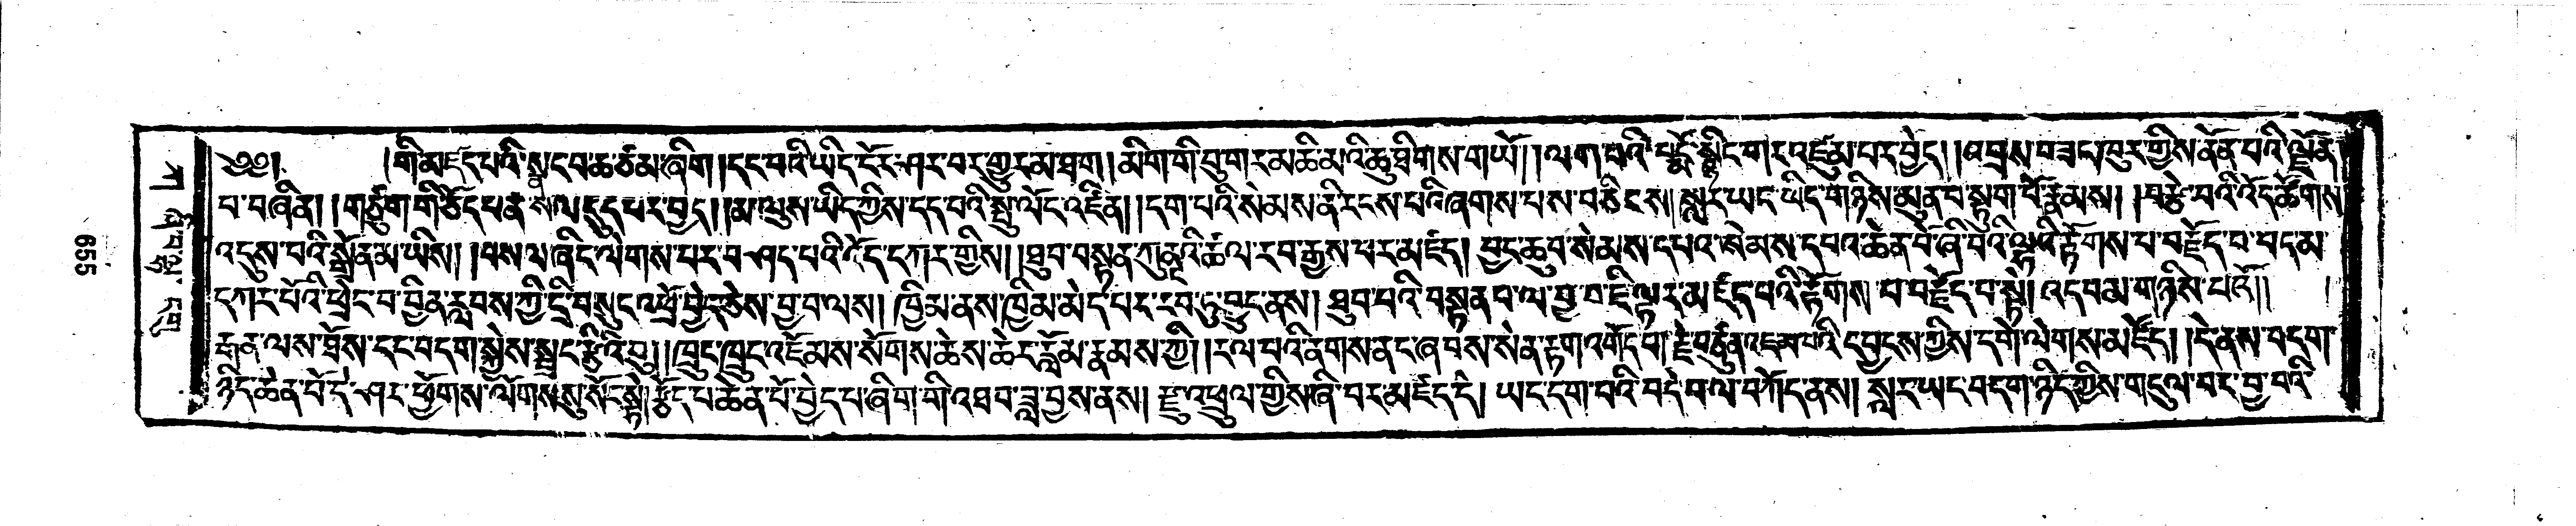༄༅། །གི་མཛད་པའི་སྣང་བ་ཆ་ཙམ་ཞིག །དང་བའི་ཡིད་ངོར་ཤར་བར་གྱུར་མ་ཐག །མིག་གི་བུ་གར་མཆི་མའི་ཆུ་ཐིགས་གཡོ། །ལག་པའི་པདམོ་སྙིང་གར་འཛུམ་པར་བྱེད། །འབྲས་བཟང་ཁུར་གྱིས་ནོན་པའི་ལྗོན་
པ་བཞིན། །གཙུག་གི་ཅོད་པན་ས་ལ་དུད་པར་བྱེད། །མ་ལུས་ཡིད་ཀྱིས་དད་པའི་སྤུ་ལོང་འཛིན། །དག་པའི་སེམས་ནི་རངས་པའི་ཞགས་པས་བཅིངས། །སླར་ཡང་ཡིད་གཉིས་མུན་པ་སྟུག་པོ་རྣམས། །བརྩེ་བའི་འོད་ཚོགས་
འདུས་པའི་སྒྲོན་མེ་ཡིས། །བསལ་ཞིང་ལེགས་པར་བཤད་པའི་འོད་དཀར་གྱིས། །ཐུབ་བསྟན་ཀུནྡའི་ཚལ་རབ་རྒྱས་པར་མཛད། བྱང་ཆུབ་སེམས་དཔའ་སེམས་དཔའ་ཆེན་པོ་ཞི་བའི་ལྷའི་རྟོགས་པ་བརྗོད་པ་པད་མ་
དཀར་པོའི་ཕྲེང་བ་བྱིན་རླབས་ཀྱི་དྲི་བསུང་འཕྲོ་བྱེད་ཅེས་བྱ་བ་ལས། ཁྱིམ་ནས་ཁྱིམ་མེད་པར་རབ་ཏུ་བྱུང་ནས། ཐུབ་པའི་བསྟན་པ་ལ་བྱ་བ་ཇི་ལྟར་མཛད་པའི་རྟོགས་པ་བརྗོད་པ་སྟེ། འདབ་མ་གཉིས་པའོ།། །།
རྒན་ལས་ཐོས་དང་བདག་སྐྱེས་སྦྲང་རྩིའི་བུ། །ཁྲུང་ཁྲུང་འཇོམས་སོགས་ཆེས་ཆེར་རློམ་རྣམས་ཀྱི། །རལ་པའི་ནགས་ནང་ཞབས་སེན་རྟག་འགོད་པ། །རྗེ་བཙུན་འཇམ་པའི་དབྱངས་ཀྱིས་དགེ་ལེགས་མཛོད། །དེ་ནས་བདག་
ཉིད་ཆེན་པོ་དེ་ཤར་ཕྱོགས་ལོགས་སུ་སོང་སྟེ། རྩོད་པ་ཆེན་པོ་བྱེད་པ་ཞིག་གི་འཐབ་ཟླ་བྱས་ནས། རྫུ་འཕྲུལ་གྱིས་ཞི་བར་མཛད་དེ། ཡང་དག་པའི་བདེ་བ་ལ་བཀོད་ནས། སླར་ཡང་བདག་ཉིད་ཀྱིས་གདུལ་བར་བྱ་བའི་